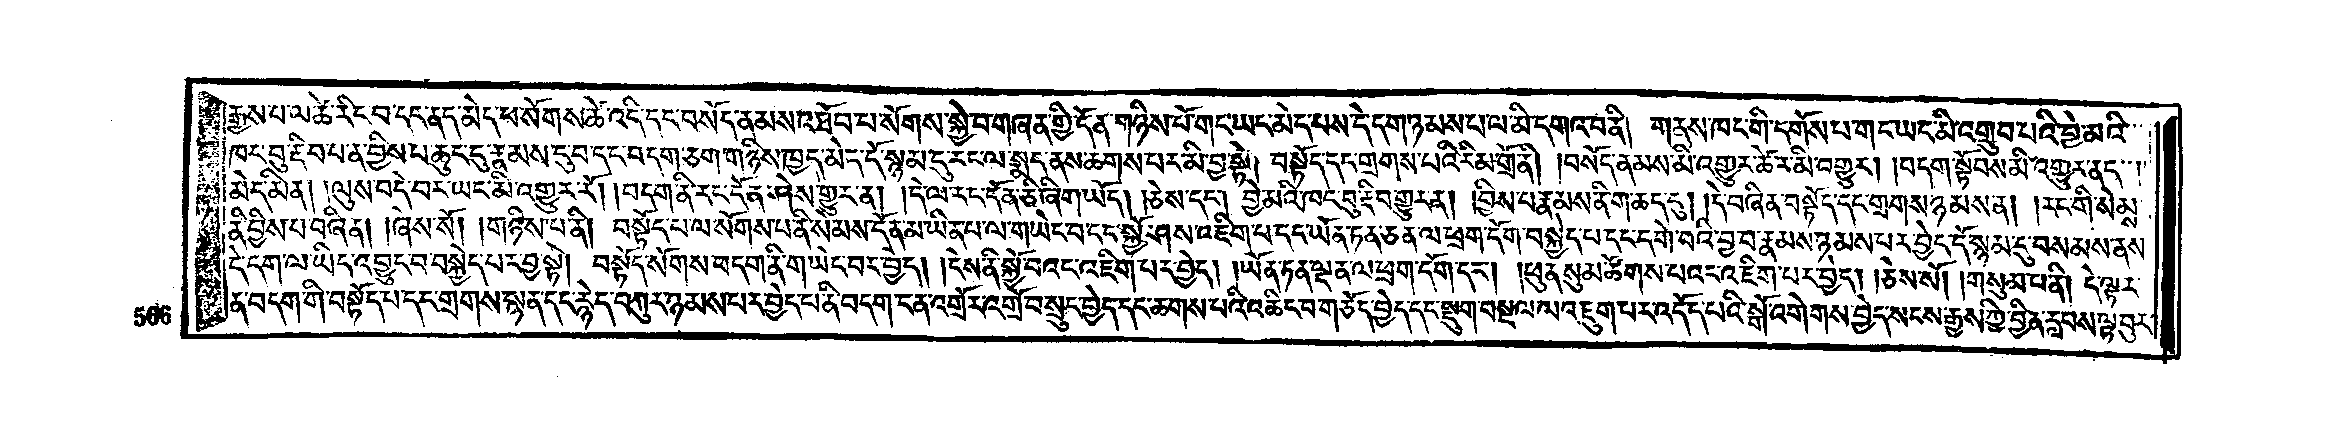རྒྱས་པ་ལ་ཚེ་རིང་བ་དང་ནད་མེད་པ་སོགས་ཚེ་འདི་དང་བསོད་ནམས་འཐོབ་པ་སོགས་སྐྱེ་བ་གཞན་གྱི་དོན་གཉིས་པོ་གང་ཡང་མེད་པས་དེ་དག་ཉམས་པ་ལ་མི་དགའ་བ་ནི། གནས་ཁང་གི་དགོས་པ་གང་ཡང་མི་འགྲུབ་པའི་བྱེ་མའི་
ཁང་བུ་རྡིབ་པ་ན་བྱིས་པ་ཆུང་ངུ་རྣམས་དུ་བ་དང་བདག་ཅག་གཉིས་ཁྱད་མེད་དོ་སྙམ་དུ་རང་ལ་སྨད་ནས་ཆགས་པར་མི་བྱ་སྟེ། བསྟོད་དང་གྲགས་པའི་རིམ་གྲོ་ནི། །བསོད་ནམས་མི་འགྱུར་ཚེར་མི་འགྱུར། །བདག་སྟོབས་མི་འགྱུར་ནད་
མེད་མིན། །ལུས་བདེ་བར་ཡང་མི་འགྱུར་རོ། །བདག་ནི་རང་དོན་ཤེས་གྱུར་ན། །དེ་ལ་རང་དོན་ཅི་ཞིག་ཡོད། །ཅེས་དང་། བྱེ་མའི་ཁང་བུ་རྡིབ་གྱུར་ན། །བྱིས་པ་རྣམས་ནི་ག་ཆད་དུ། །དེ་བཞིན་བསྟོད་དང་གྲགས་ཉམས་ན། །རང་གི་སེམས་
ནི་བྱིས་པ་བཞིན། །ཞེས་སོ། །གཉིས་པ་ནི། བསྟོད་པ་ལ་སོགས་པ་ནི་སེམས་དོན་མ་ཡིན་པ་ལ་གཡེང་བ་དང་སྐྱོ་ཤས་འཇིག་པ་དང་ཡོན་ཏན་ཅན་ལ་ཕྲག་དོག་བསྐྱེད་པ་དང་དགེ་བའི་བྱ་བ་རྣམས་ཉམས་པར་བྱེད་དོ་སྙམ་དུ་བསམས་ནས་
དེ་དག་ལ་ཡིད་འབྱུང་བ་བསྐྱེད་པར་བྱ་སྟེ། བསྟོད་སོགས་བདག་ནི་གཡེང་བར་བྱེད། །དེས་ནི་སྐྱོ་བའང་འཇིག་པར་བྱེད། །ཡོན་ཏན་ལྡན་ལ་ཕྲག་དོག་དང་། །ཕུན་སུམ་ཚོགས་པའང་འཇིག་པར་བྱེད། །ཅེས་སོ། །གསུམ་པ་ནི། དེ་ལྟར་
ན་བདག་གི་བསྟོད་པ་དང་གྲགས་སྙན་དང་རྙེད་བཀུར་ཉམས་པར་བྱེད་པ་ནི་བདག་ངན་འགྲོར་འགྲོ་བ་སྲུང་བྱེད་དང་ཆགས་བའི་འཆིང་བ་གཅོད་བྱེད་དང་སྡུག་བསྔལ་ལ་འཇུག་པར་འདོད་པའི་སྒོ་འགེགས་བྱེད་སངས་རྒྱས་ཀྱི་བྱིན་རླབས་ལྟ་བུར་